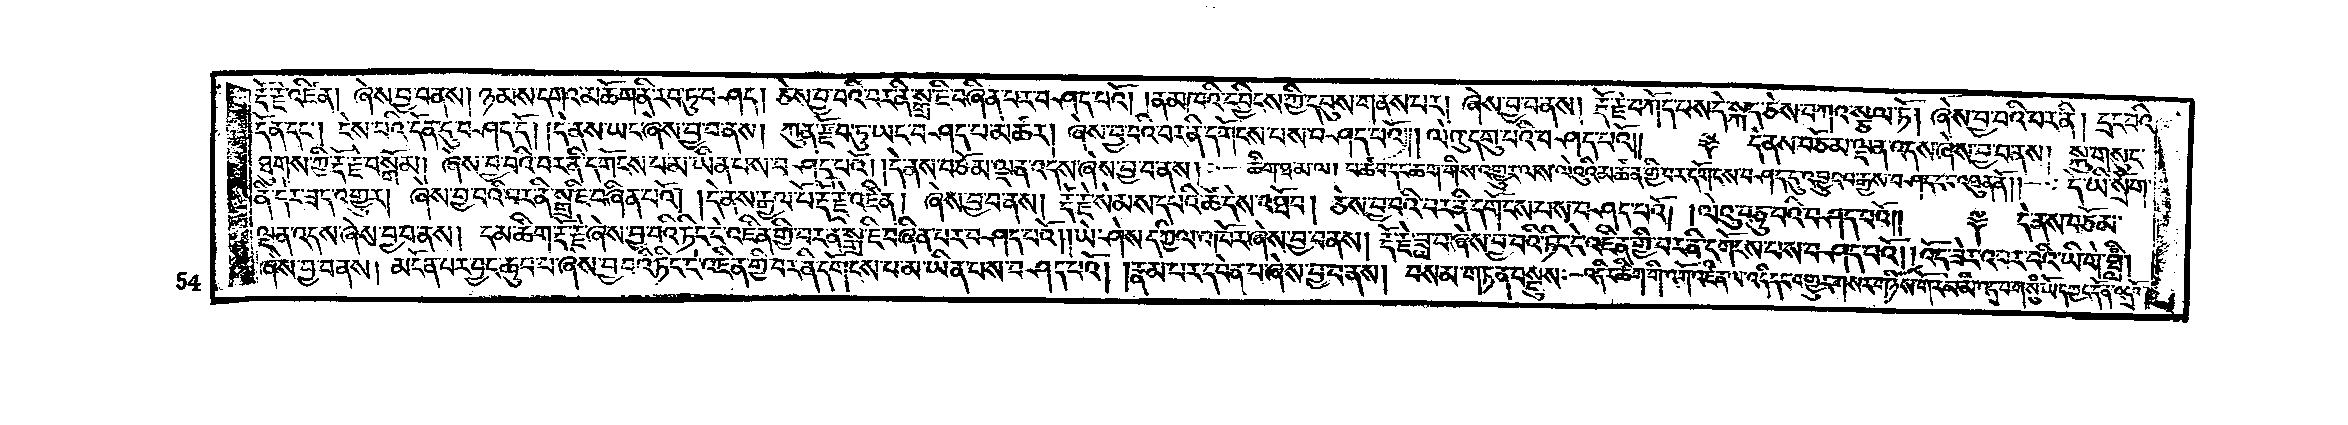རྡོ་རྗེ་འཛིན། ཞེས་བྱ་བ་ནས། ཉམས་དགའ་མཆོག་ནི་རབ་ཏུ་བཤད། ཅེས་བྱ་བའི་བར་ནི་སྒྲ་ཇི་བཞིན་པར་བཤད་པའོ། །ནམ་མཁའི་དབྱིངས་ཀྱི་དབུས་གནས་པར། ཞེས་བྱ་བ་ནས། རྡོ་རྗེ་བཀོད་པས་དེ་སྐད་ཅེས་བཀའ་སྩལ་ཏོ། ཞེས་བྱ་བའི་བར་ནི། དྲང་བའི་
དོན་དང་། ངེས་པའི་དོན་དུ་བཤད་དོ། །དེ་ནས་ཡང་ཞེས་བྱ་བ་ནས། ཀུན་རྫོབ་ཏུ་ཡང་བཤད་པ་མཚར། ཞེས་བྱ་བའི་བར་ནི་དགོངས་པས་བཤད་པའོ། །ལེའུ་དགུ་པའི་བཤད་པའོ།། ༈ དེ་ནས་བཅོམ་ལྡན་འདས་ཞེས་བྱ་བ་ནས། སྐུ་གསུང་
ཐུགས་ཀྱི་རྡོ་རྗེ་བསྒོམ། ཞེས་བྱ་བའི་བར་ནི་དགོངས་པ་མ་ཡིན་པས་བཤད་པའོ། །དེ་ནས་བཅོམ་ལྡན་འདས་ཞེས་བྱ་བ་ནས།H.་ཚིག་ཐ་མ་ལ། པ་ཚབ་དང་ཆག་གིས་འགྱུར་ལས་ལེའུ་མཚན་གྱི་བར་དགོངས་བཤད་དུ་འབྱུང་བ་རྒྱས་བཤད་དང་འཐུན་ནོ།། .Hདེ་ཡི་སྲོག་
ནི་དེར་ཟད་འགྱུར། ཞེས་བྱ་བའི་བར་ནི་སྒྲ་ཇི་བཞིན་པའོ། །དེ་ནས་རྒྱལ་པོ་རྡོ་རྗེ་འཛིན། ཞེས་བྱ་བ་ནས། རྡོ་རྗེ་སེམས་དཔའི་ཚེ་དེས་འཐོབ། ཅེས་བྱ་བའི་བར་ནི་དགོངས་པས་བཤད་པའོ། །ལེའུ་བཅུ་པའི་བཤད་པའོ།། ༈ དེ་ནས་བཅོམ་
ལྡན་འདས་ཞེས་བྱ་བ་ནས། དམ་ཚིག་རྡོ་རྗེ་ཞེས་བྱ་བའི་ཏིང་ངེ་འཛིན་གྱི་བར་ནི་སྒྲ་ཇི་བཞིན་པར་བཤད་པའོ། །ཡེ་ཤེས་དཀྱིལ་འཁོར་ཞེས་བྱ་བ་ནས། རྡོ་རྗེ་ཟླ་བ་ཞེས་བྱ་བའི་ཏིང་ངེ་འཛིན་གྱི་བར་ནི་དགོངས་པས་བཤད་པའོ། །འོད་ཟེར་འབར་བའི་ཡི་གེ་ཐིག་ལེ།
ཞེས་བྱ་བ་ནས། མངོན་པར་བྱང་ཆུབ་པ་ཞེས་བྱ་བའི་ཏིང་ངེ་འཛིན་གྱི་བར་ནི་དགོངས་པ་མ་ཡིན་པས་བཤད་པའོ། །རྣམ་པར་དབེན་པ་ཞེས་བྱ་བ་ནས། བསམ་གཏན་བསྡུསཿ་འདིར་ཚིག་གི་འགོ་འཛིན་ལ་འདི་དང་འགྱུར་གསར་གཉིས་གོ་རིམ་མི་འདྲ་བ་གསུམ་ཡོད་ཀྱང་དོན་འདྲའོ། །